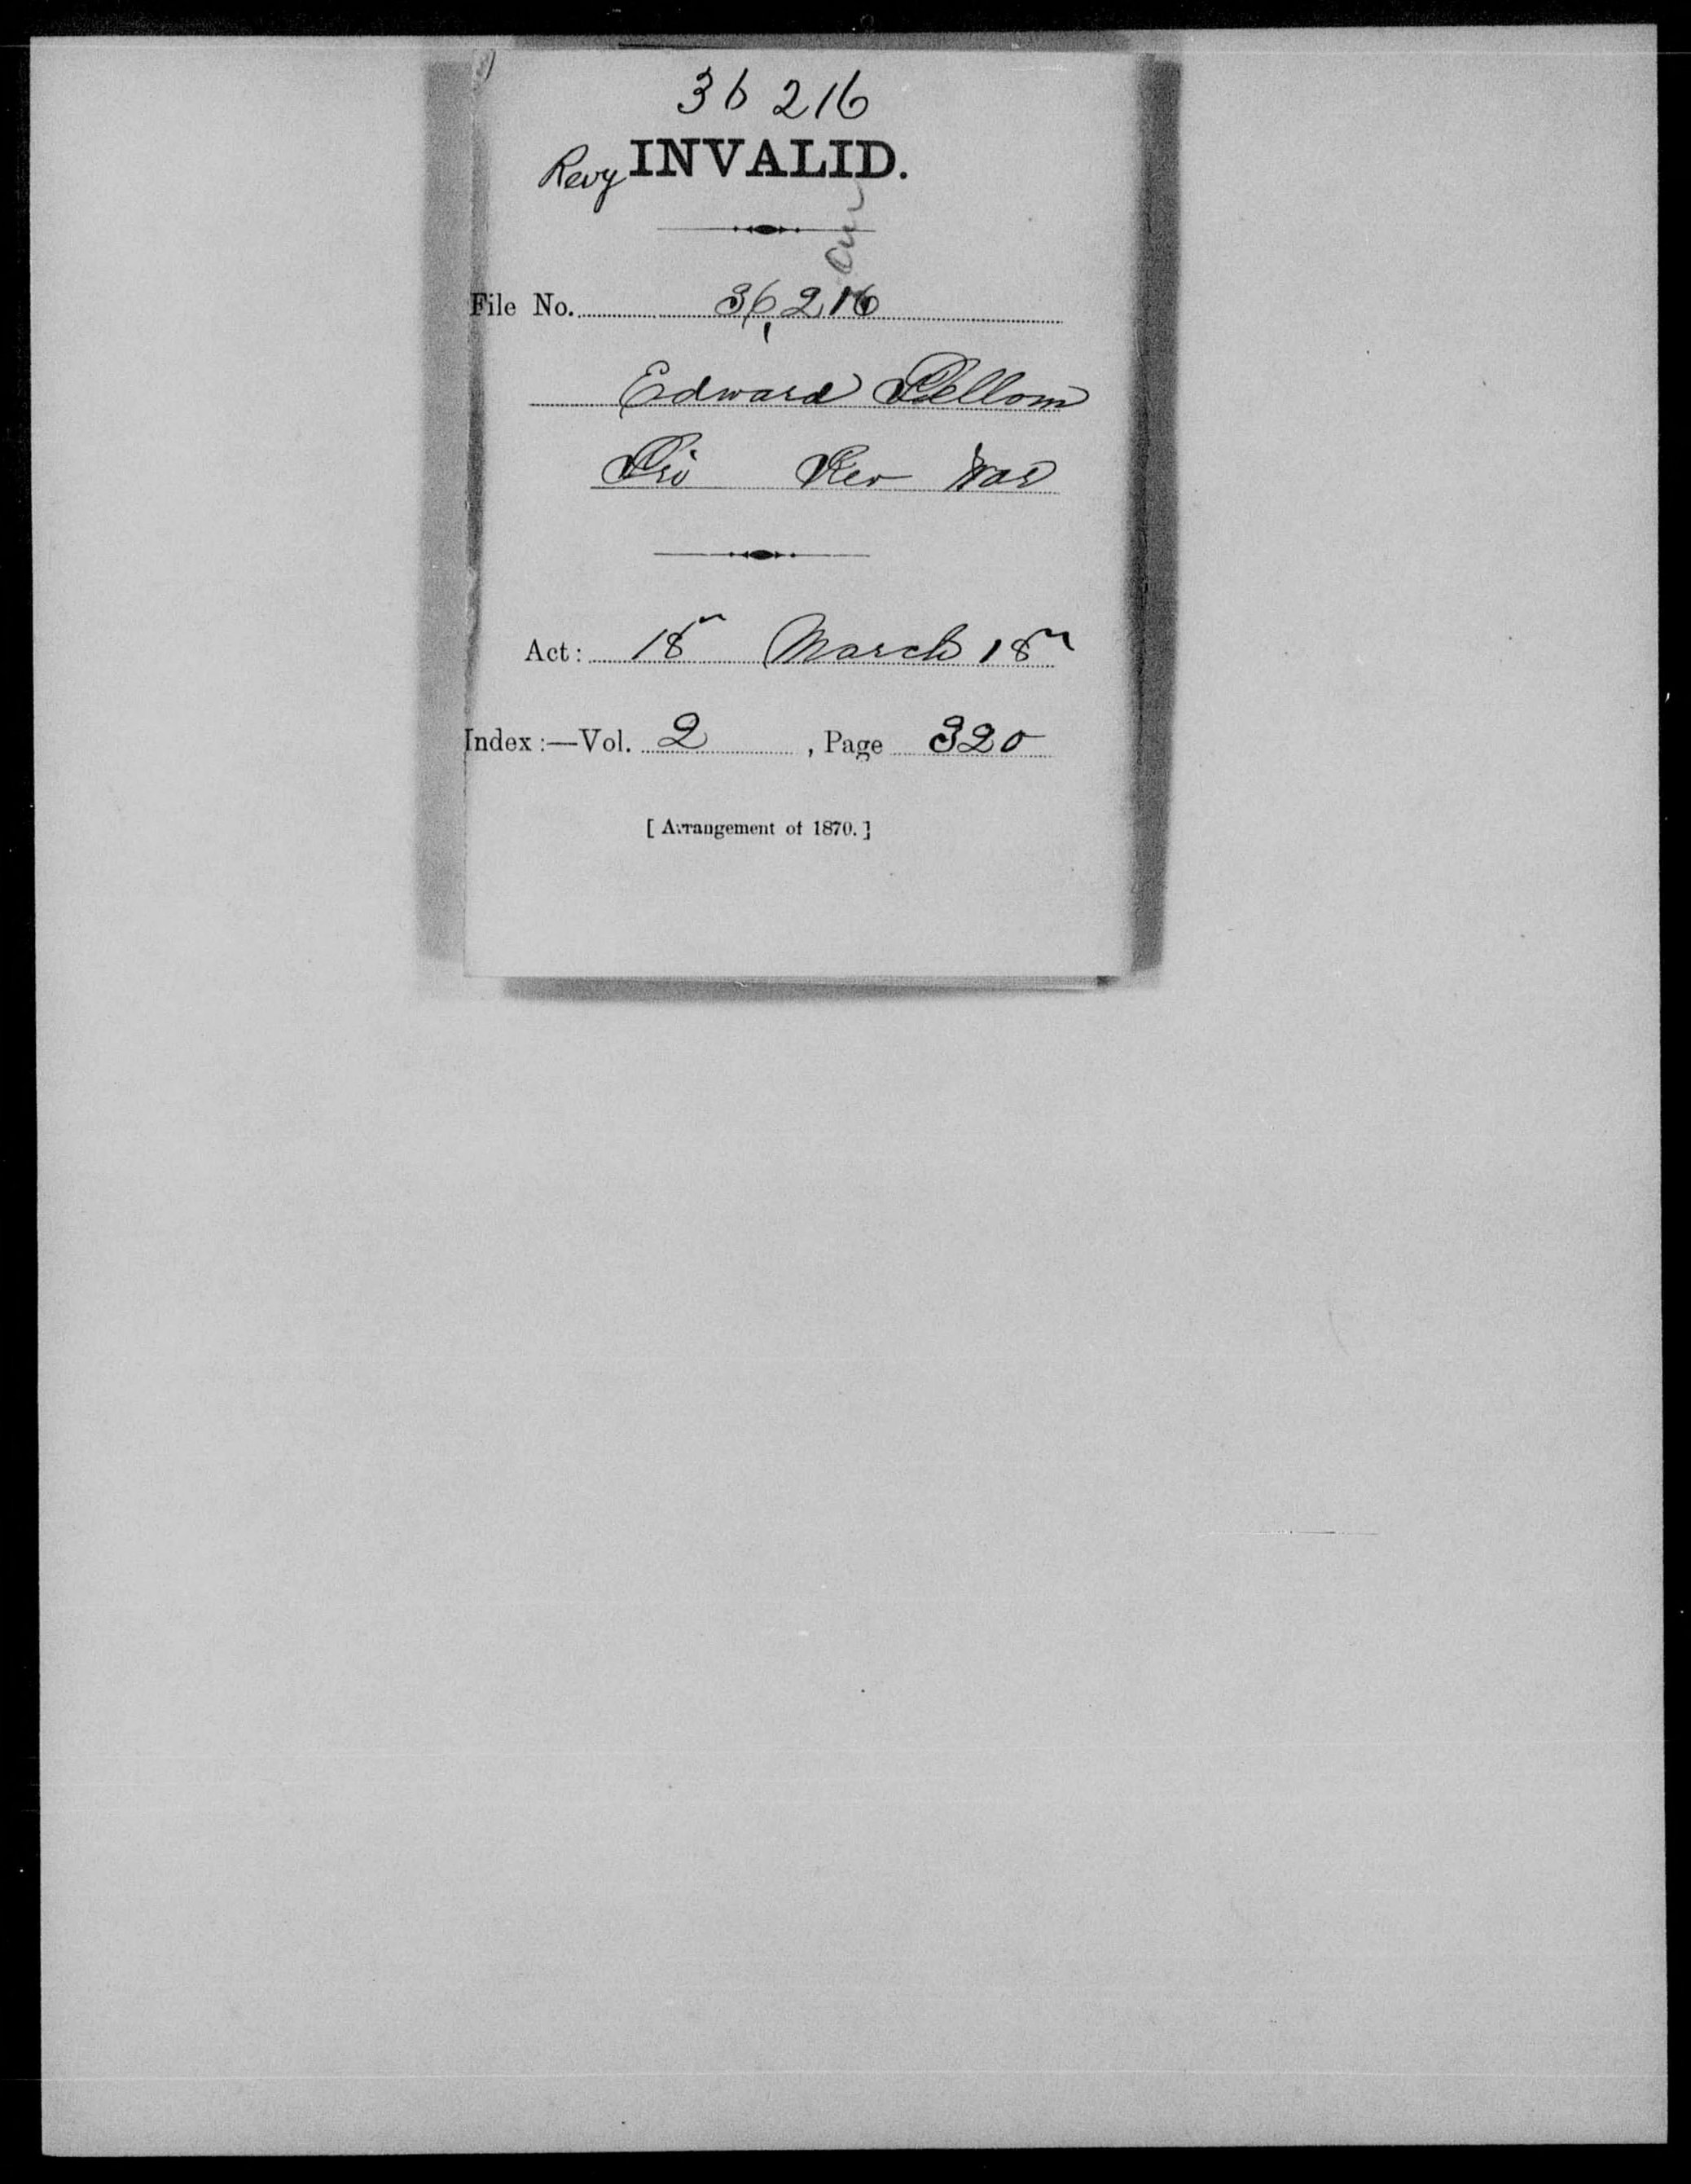36216
Revy INVALID.
File No.  36,216
Edward Pellom
Pri Rev War
Act: 18th   March 18"
Index:-Vol. 2,  Page  320
[Arrangement of 1870]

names: Edward Pellom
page: 3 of 8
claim: survivor's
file: S. 36216, for Edward Pellom, Connecticut